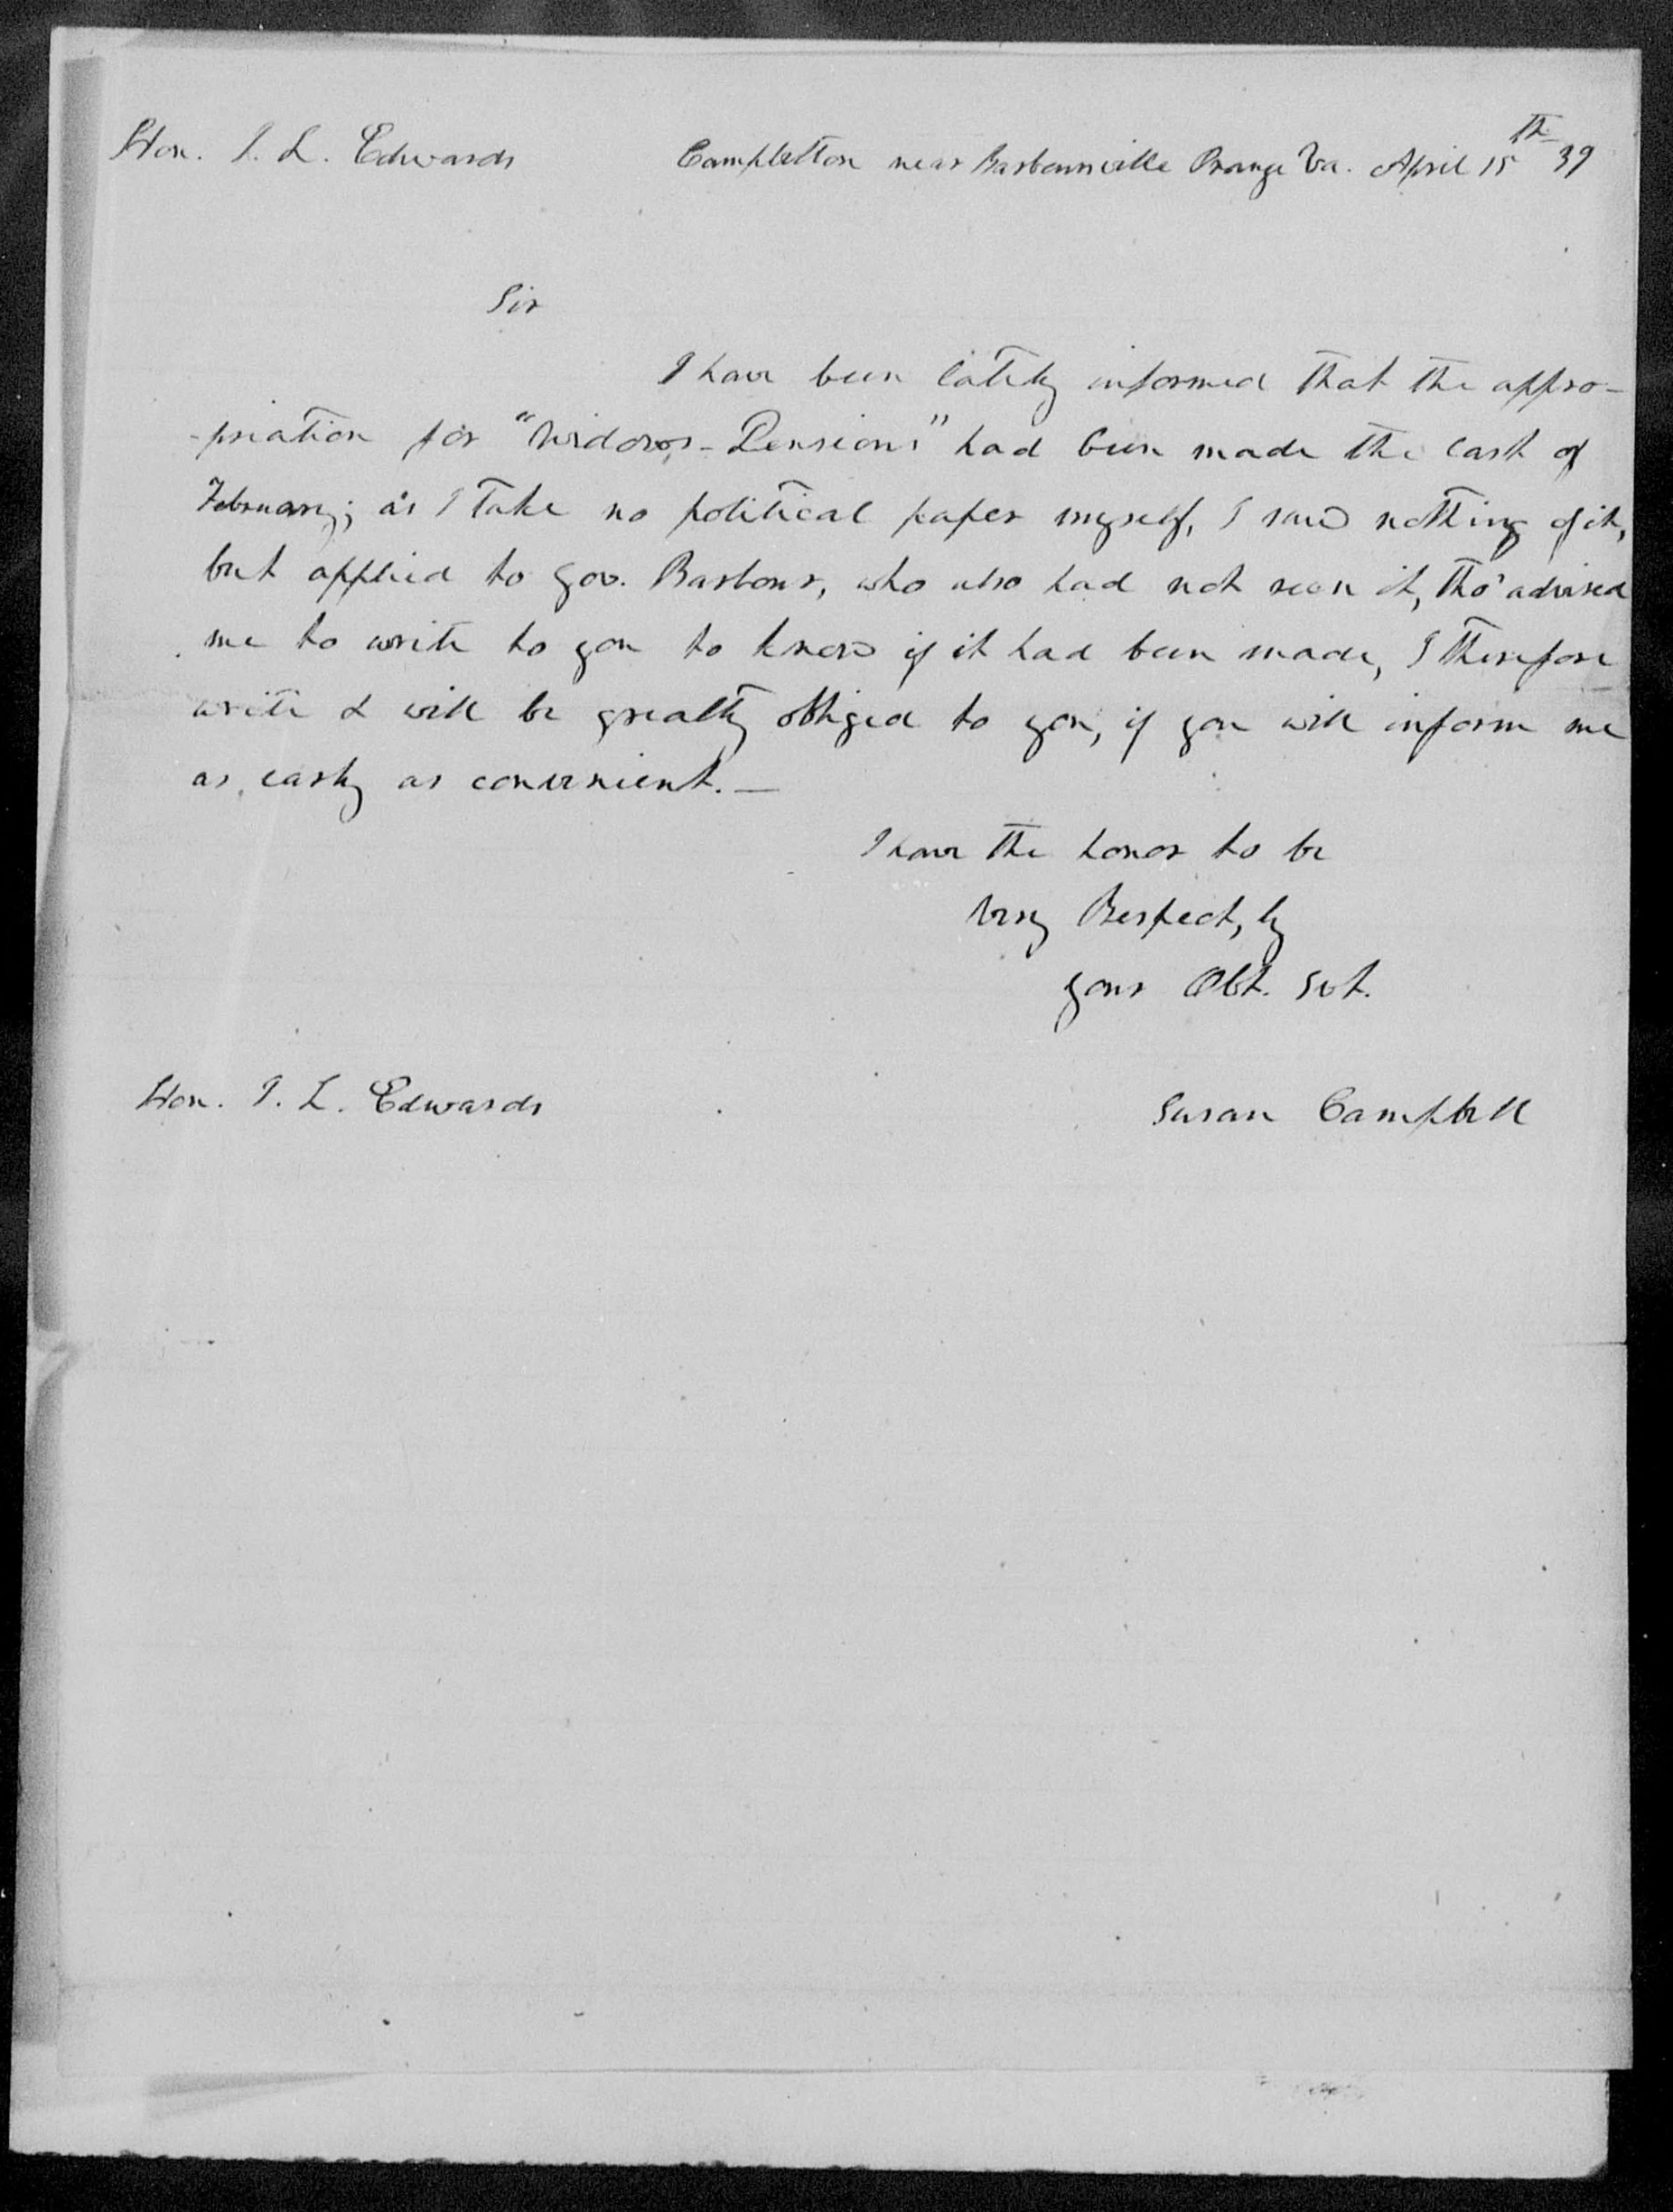Hon. J. L. Edwards Campbelton near Bartonsville Orange Va. April 15th 39

Sir
I have been lately informed that the appropriation for "Widows Pensions" had been made the last of February; as I Take no political paper myself, I now nothing of it, but applied to gov. Barlows, who also had not seen it, Tho' advised me to write to you to know if it had been made, I Therefore write & will be greatly obliged to you, if you will inform me as early as convenient.-
I have the honor to be
Very Respectly
your Obt. Svt.
Susan Campbell

Hon. J. L. Edwards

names: J L Edwards, J L Edwards, Susan Campbell, Barbour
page: 172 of 267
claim: widow's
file: W. 4,149, William Campbell, Va.